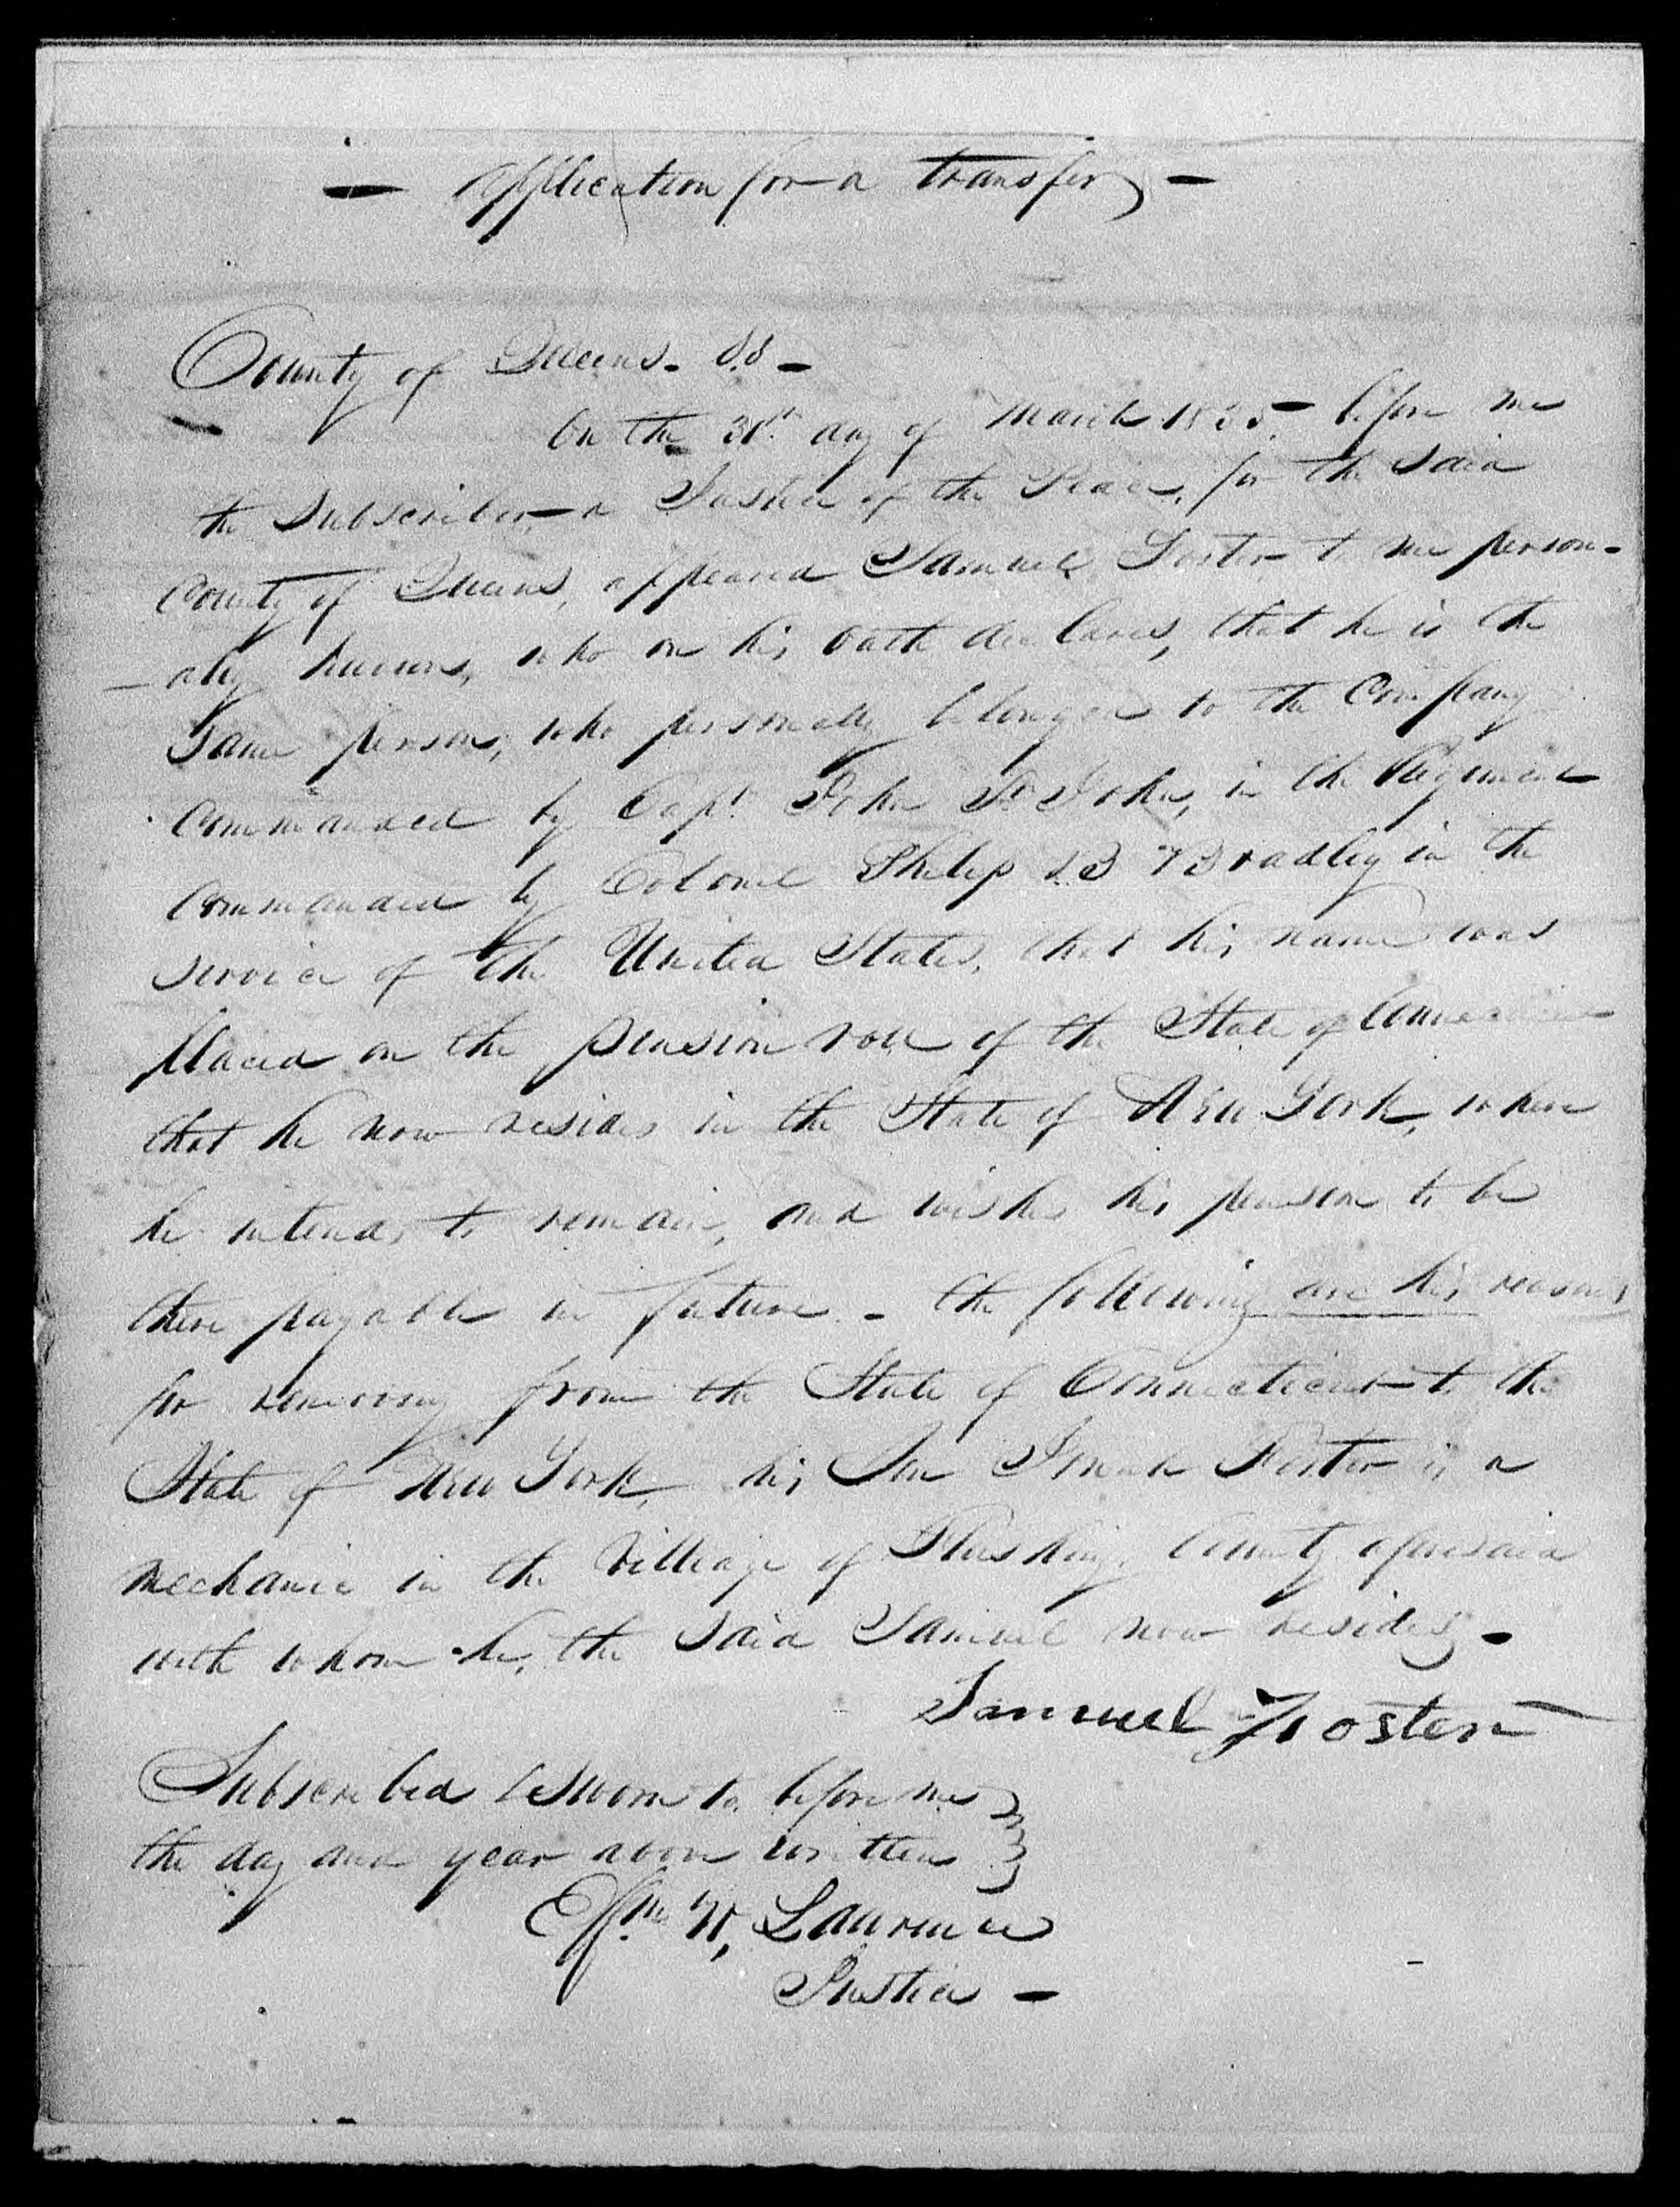- Application for a transfer -
County of Queens_ SS_
On the 31st day of March 1835 before me the subscriber, a Justice of the Peace, for the said county of Queens, appeared Samuel Foster to me person-aly [illegible], who on his oath declares, that he is the same person, who personaly belonged to the company commanded by Capt. John St. John, in the Regiment commanded by Colonel Philip B Bradley in the service of the United States, that his name was placed on the pension roll of the State of Connecticut that he now resided in the State of New York, where he intends to remain, and wishes his pension to be there payable in future. _ the following are his reasons for removing from the State of Connecticut to the State of New York, his son Jonah Foster is a mechanic in the Village of Flushing, county aforesaid with whom he, the said Samuel Foster now resided _
[signed] Samuel Foster
Subscribed & sworn to, before me the day and year above written }
[signed] Wm. W. Lawrence Justice _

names: Jonah Foster, Philip B Bradley, Samuel, Samuel Foster, Wm W Lawrence, Samuel Foster, John St John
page: 52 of 54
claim: survivor's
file: S. 13,043, Samuel Foster, Conn.